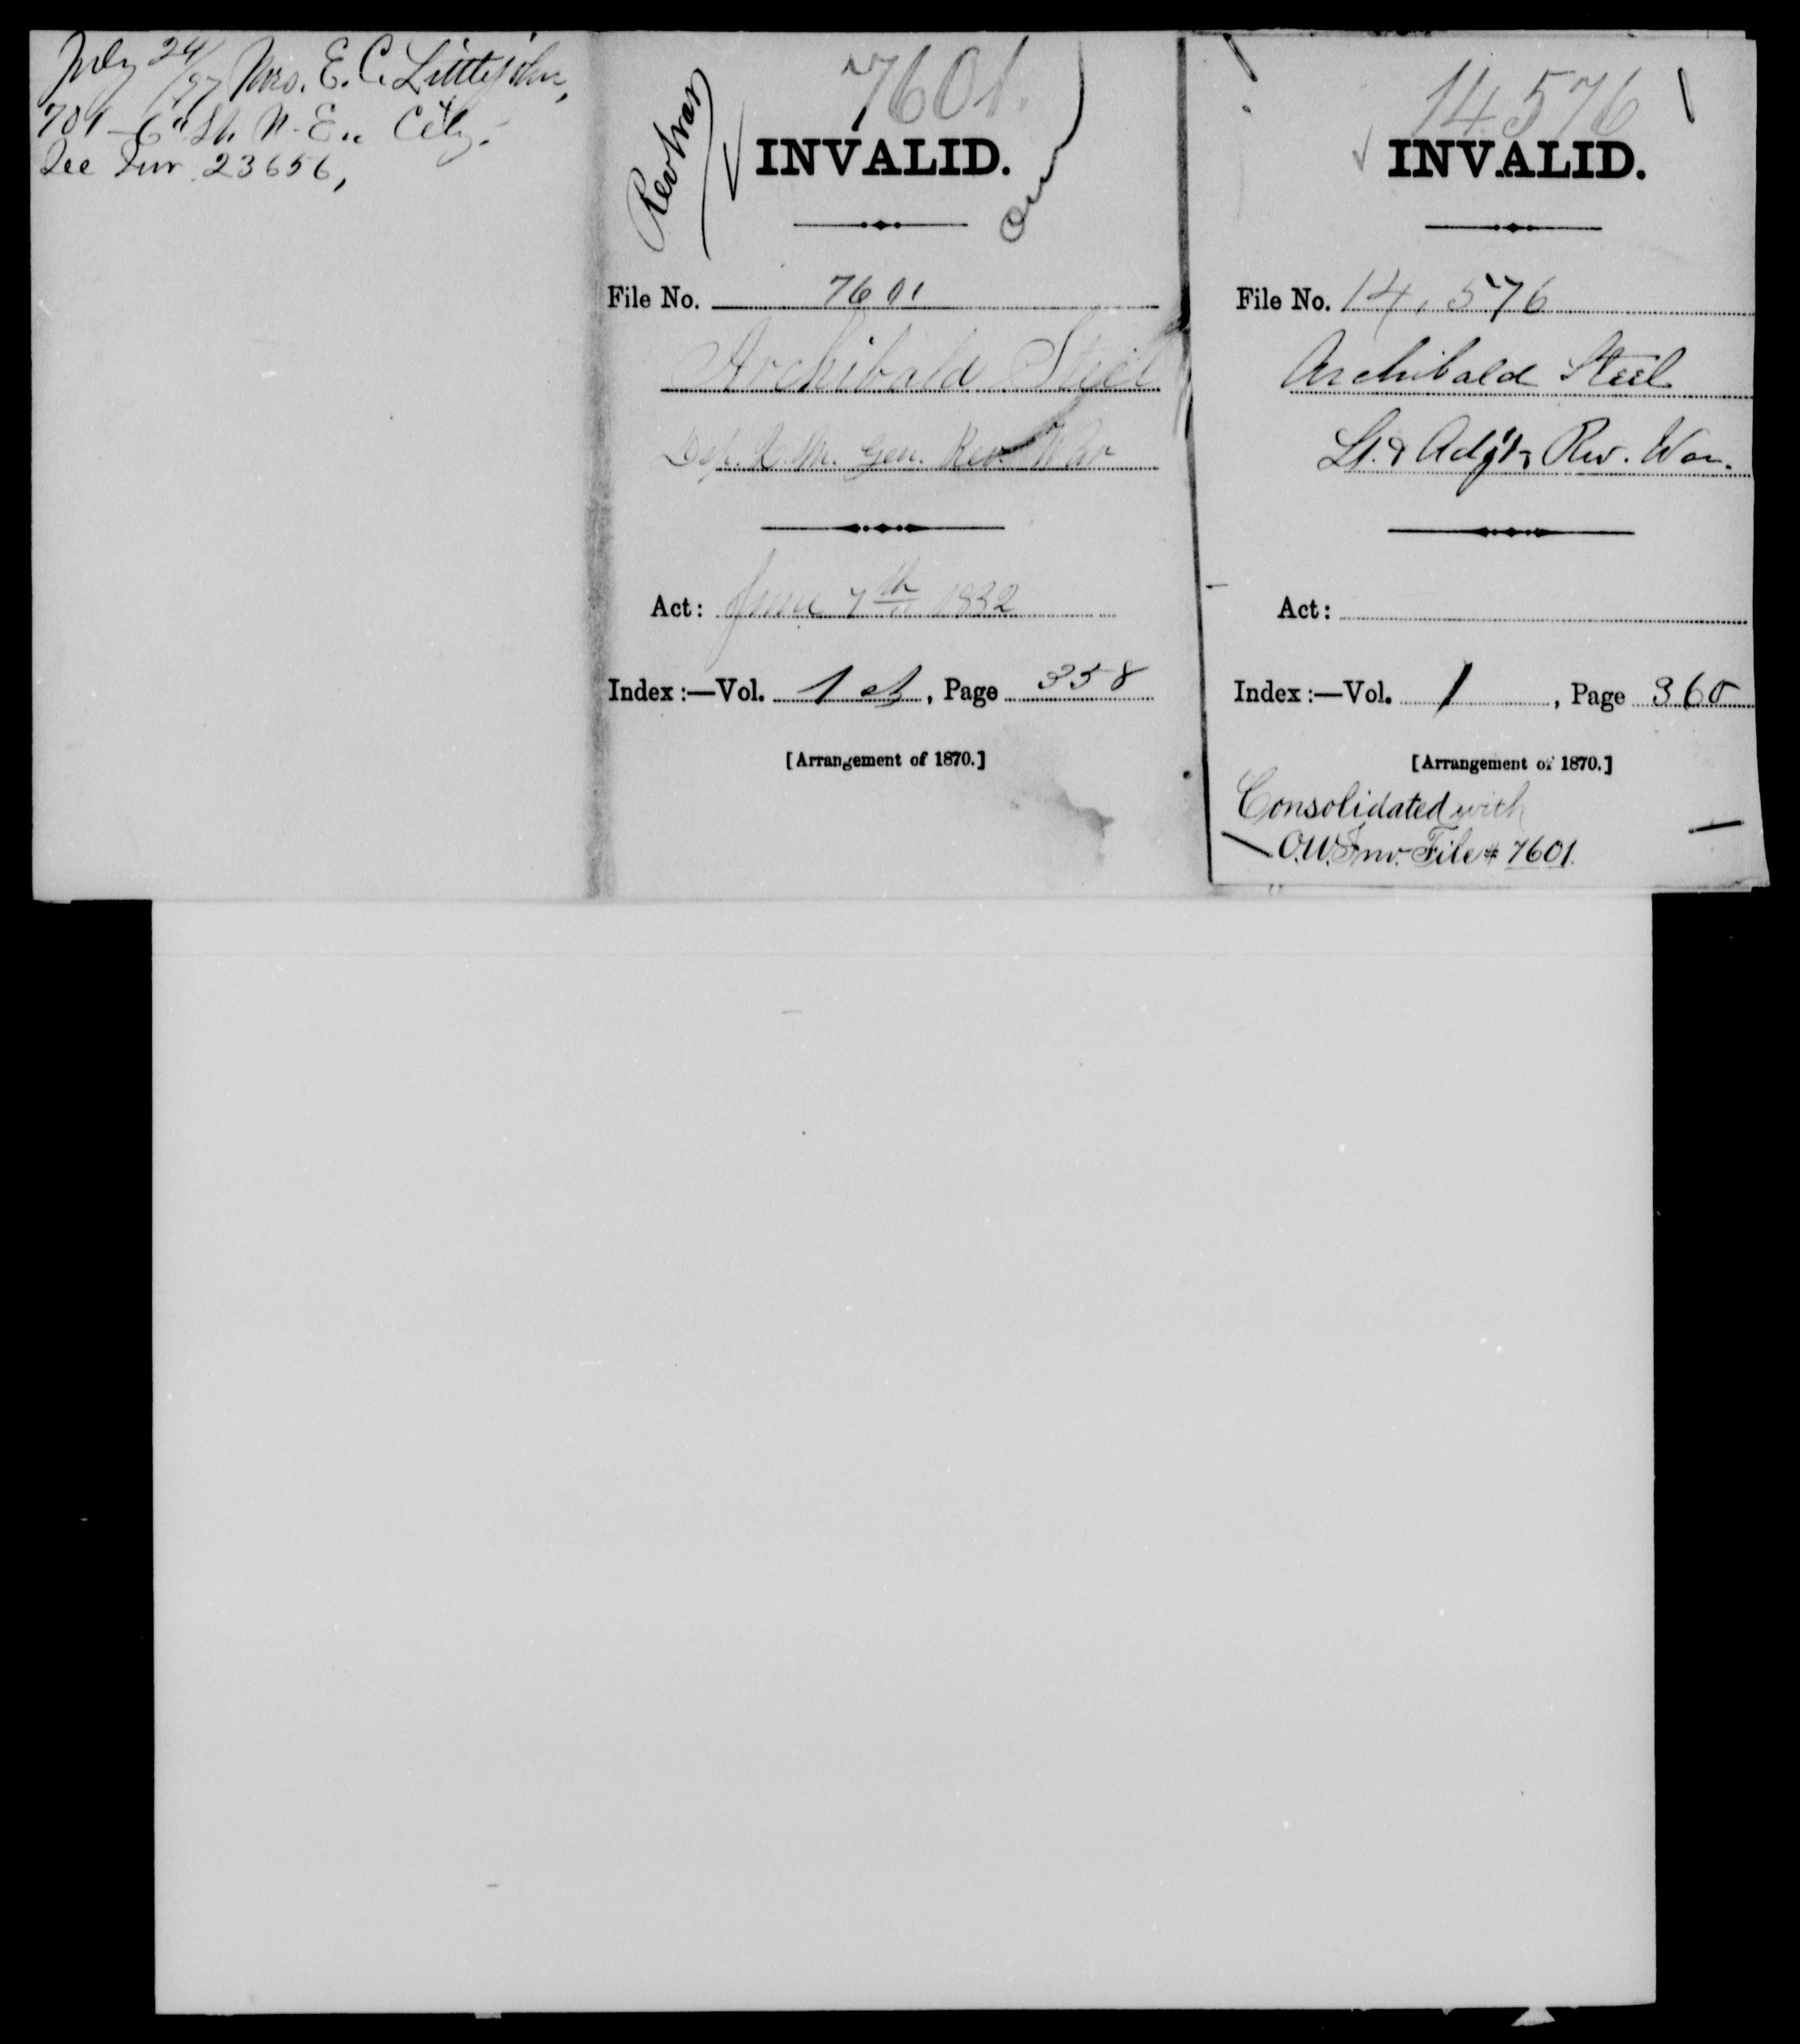July 24
Mrs E C Littlejohn
701 6th St, N En City Ill  23656

INVALID
File 7601
Archibald Steel
Deputy Quarter Master General, Revolutionary War

Act:  June 7, 1832
Index:  Vol 703, Page 358

INVALID
File 14.576
Archibald Steel
Lieutenant & Adjutant QM, Revolutionary War

Index:  Vol 1, page 360

Consolidated with File # 7601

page: 28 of 28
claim: survivor's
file: S. 7601, for Archibald Steel, Pennsylvania